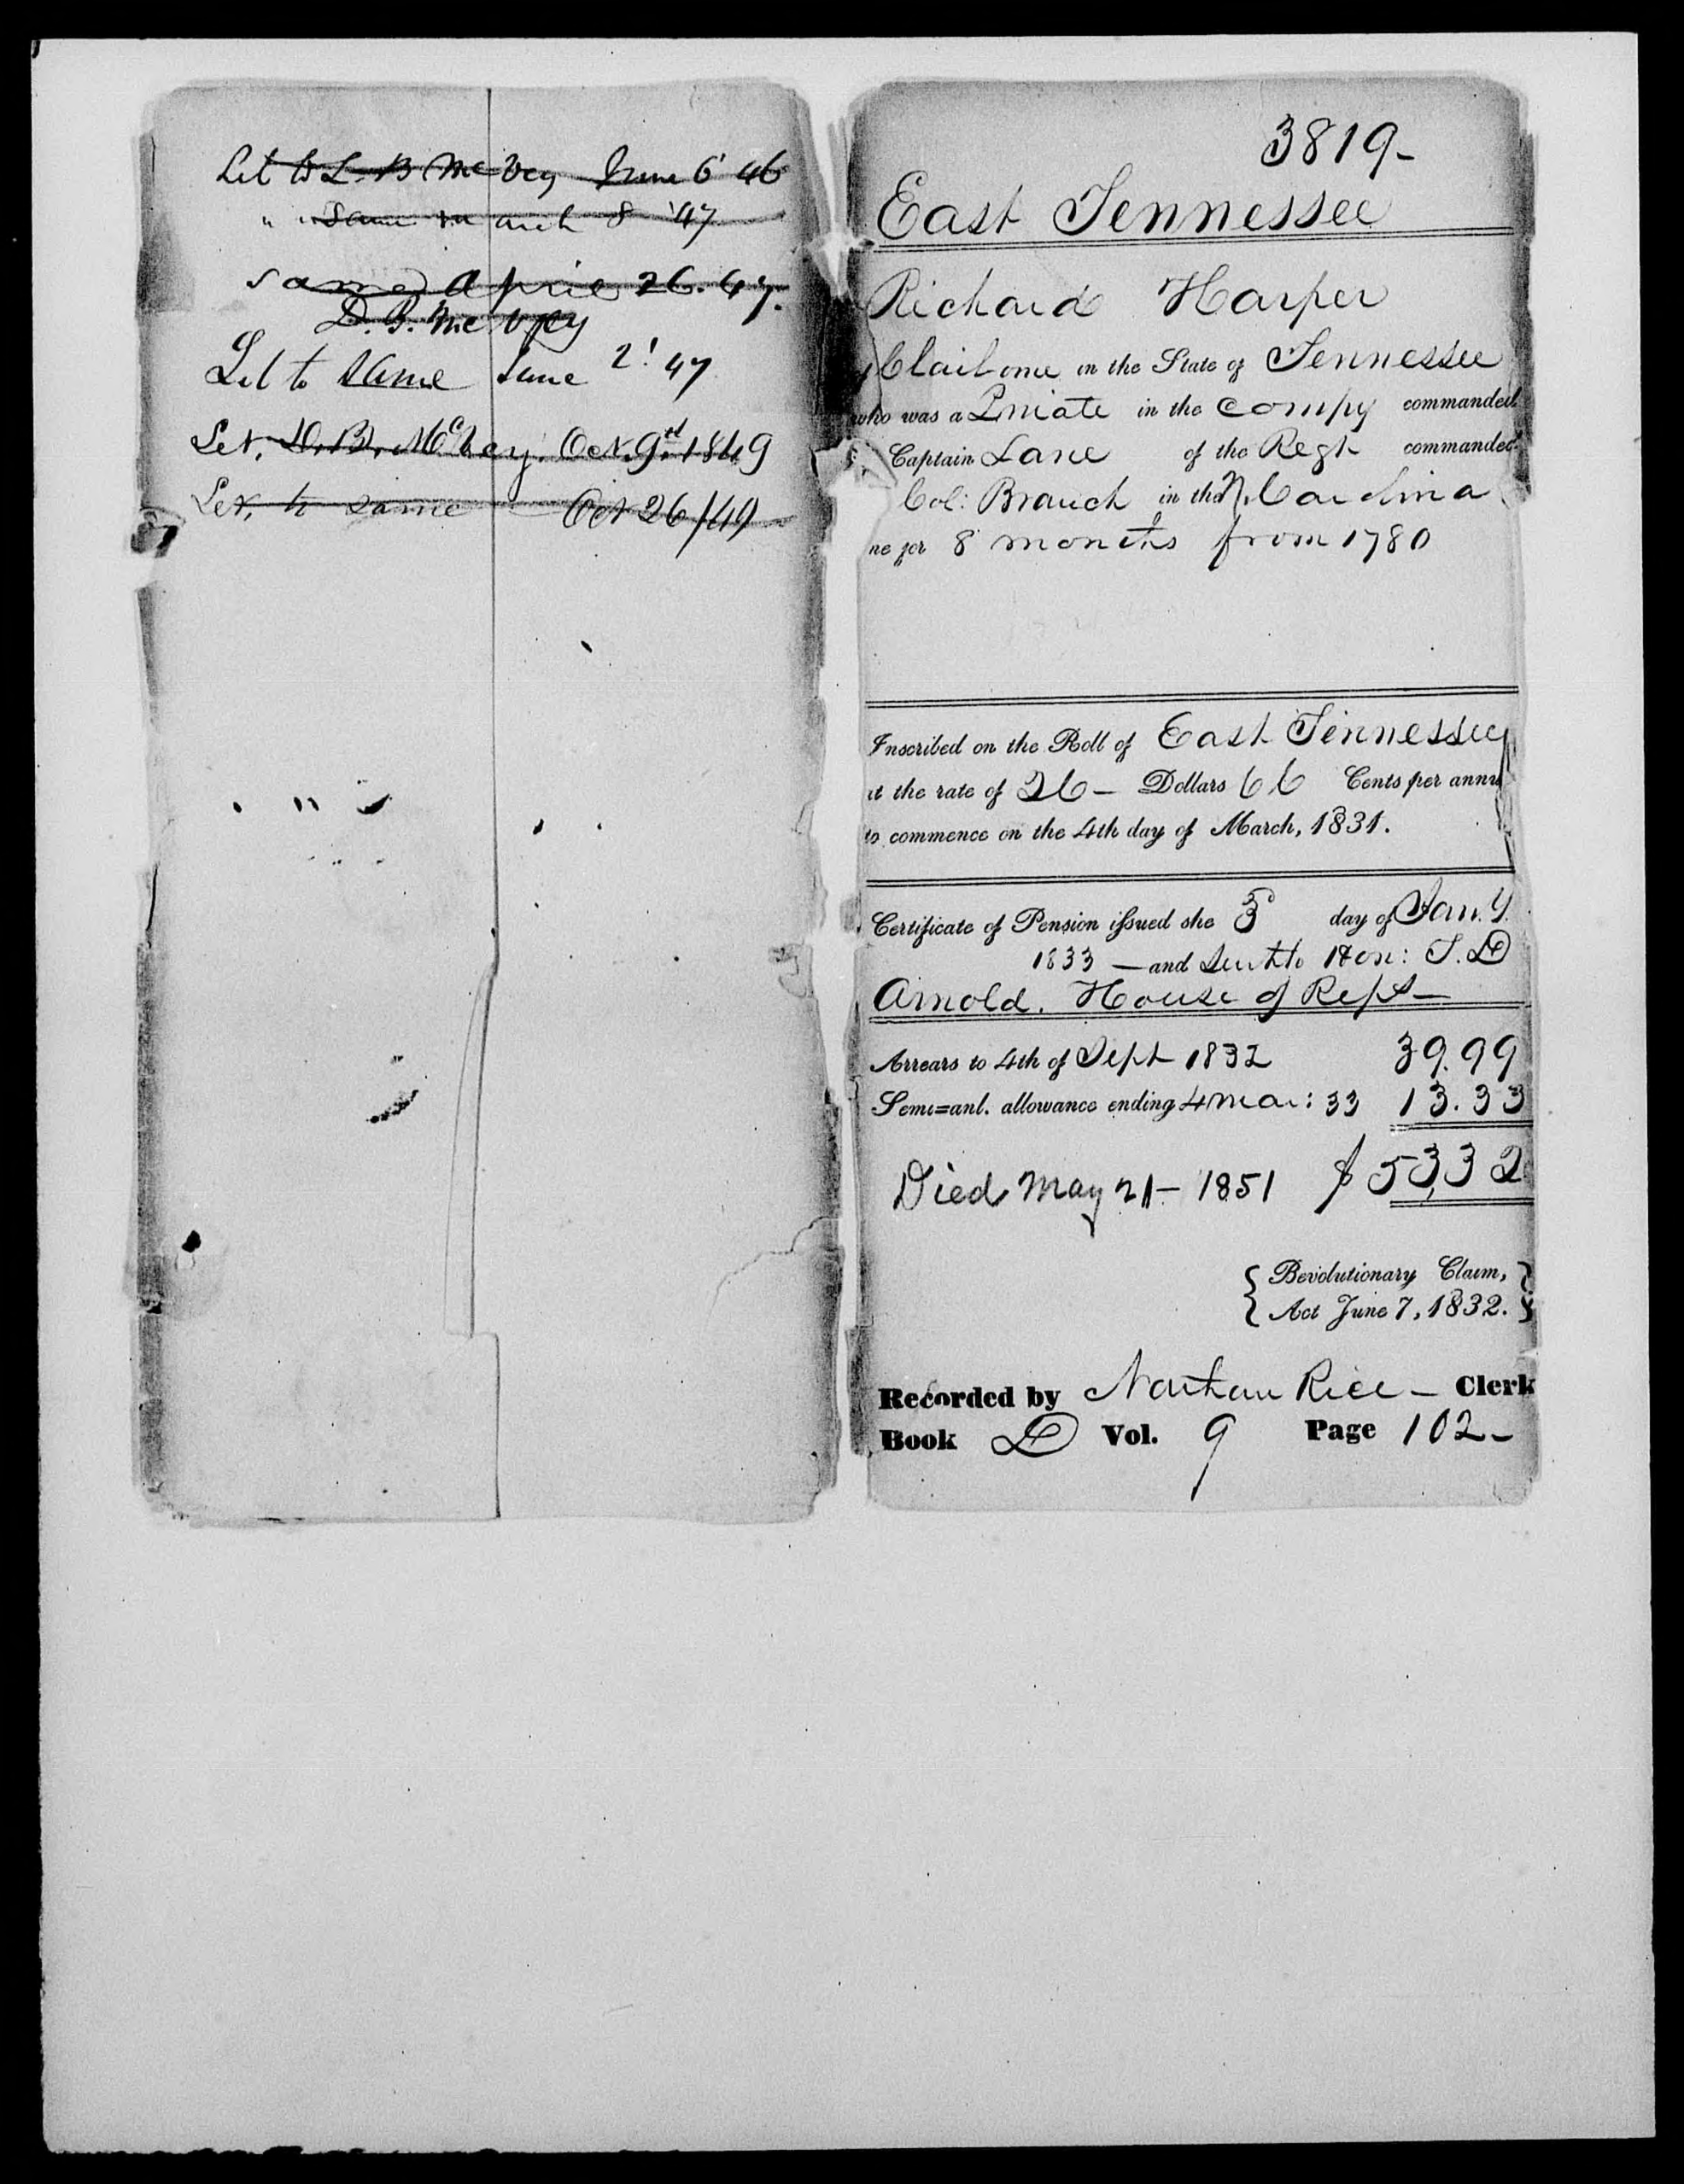Let D L. B McVey            June 6 '46  [crossed out]
     "   Same    March 8  '47  [crossed out]
  same     April 26. 47.       [crossed out]
D. B. McVey  [crossed out]
Let to Same   June 2.  '47
Let. D. B. McVey   Oct. 9th  1869 [crossed out]
Let to same   Oct 26 / 69 [crossed out]


                                                 3819-
East Tennessee
==============================
Richard Harper
of Claiborne in the State of Tennessee
who was a Private in the company commanded 
by Captain Lane of the Regt commanded
by Col. Branch in the N. Carolina
[torn]ne for 8 months from 1780

==============================
Inscribed on the Roll of East Tennessee
at the rate of 26 -- Dollars  66 Cents per annum
to commence on the 4th day of March, 1831.
==============================
Certificate of Pension issued the 3 day of Jan.y.
1833 -- and sent to [illegible] : T.D.
Arnold.  House of Reps --
==============================
Arrears to 4th of Sept 1832                       39.99
Semi=anl. allowance ending 4 Mar :33     13.33
                                                                   ===
Died May 21 --1851                                $ 53,32
                                                                   ====

{Revolutionary Claim, }
  Act June 7, 1832.

Recorded by Nathan Rice -- Clerk
Book D  Vol. 9  Page 102--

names: Branch, T D Arnold, Richard Harper, D B Mc Vey, D B Mc Vey, L B Mc Vey, Nathan Rice, Lane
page: 2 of 81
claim: survivor's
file: S. 1908, Richard Harper, N.C.